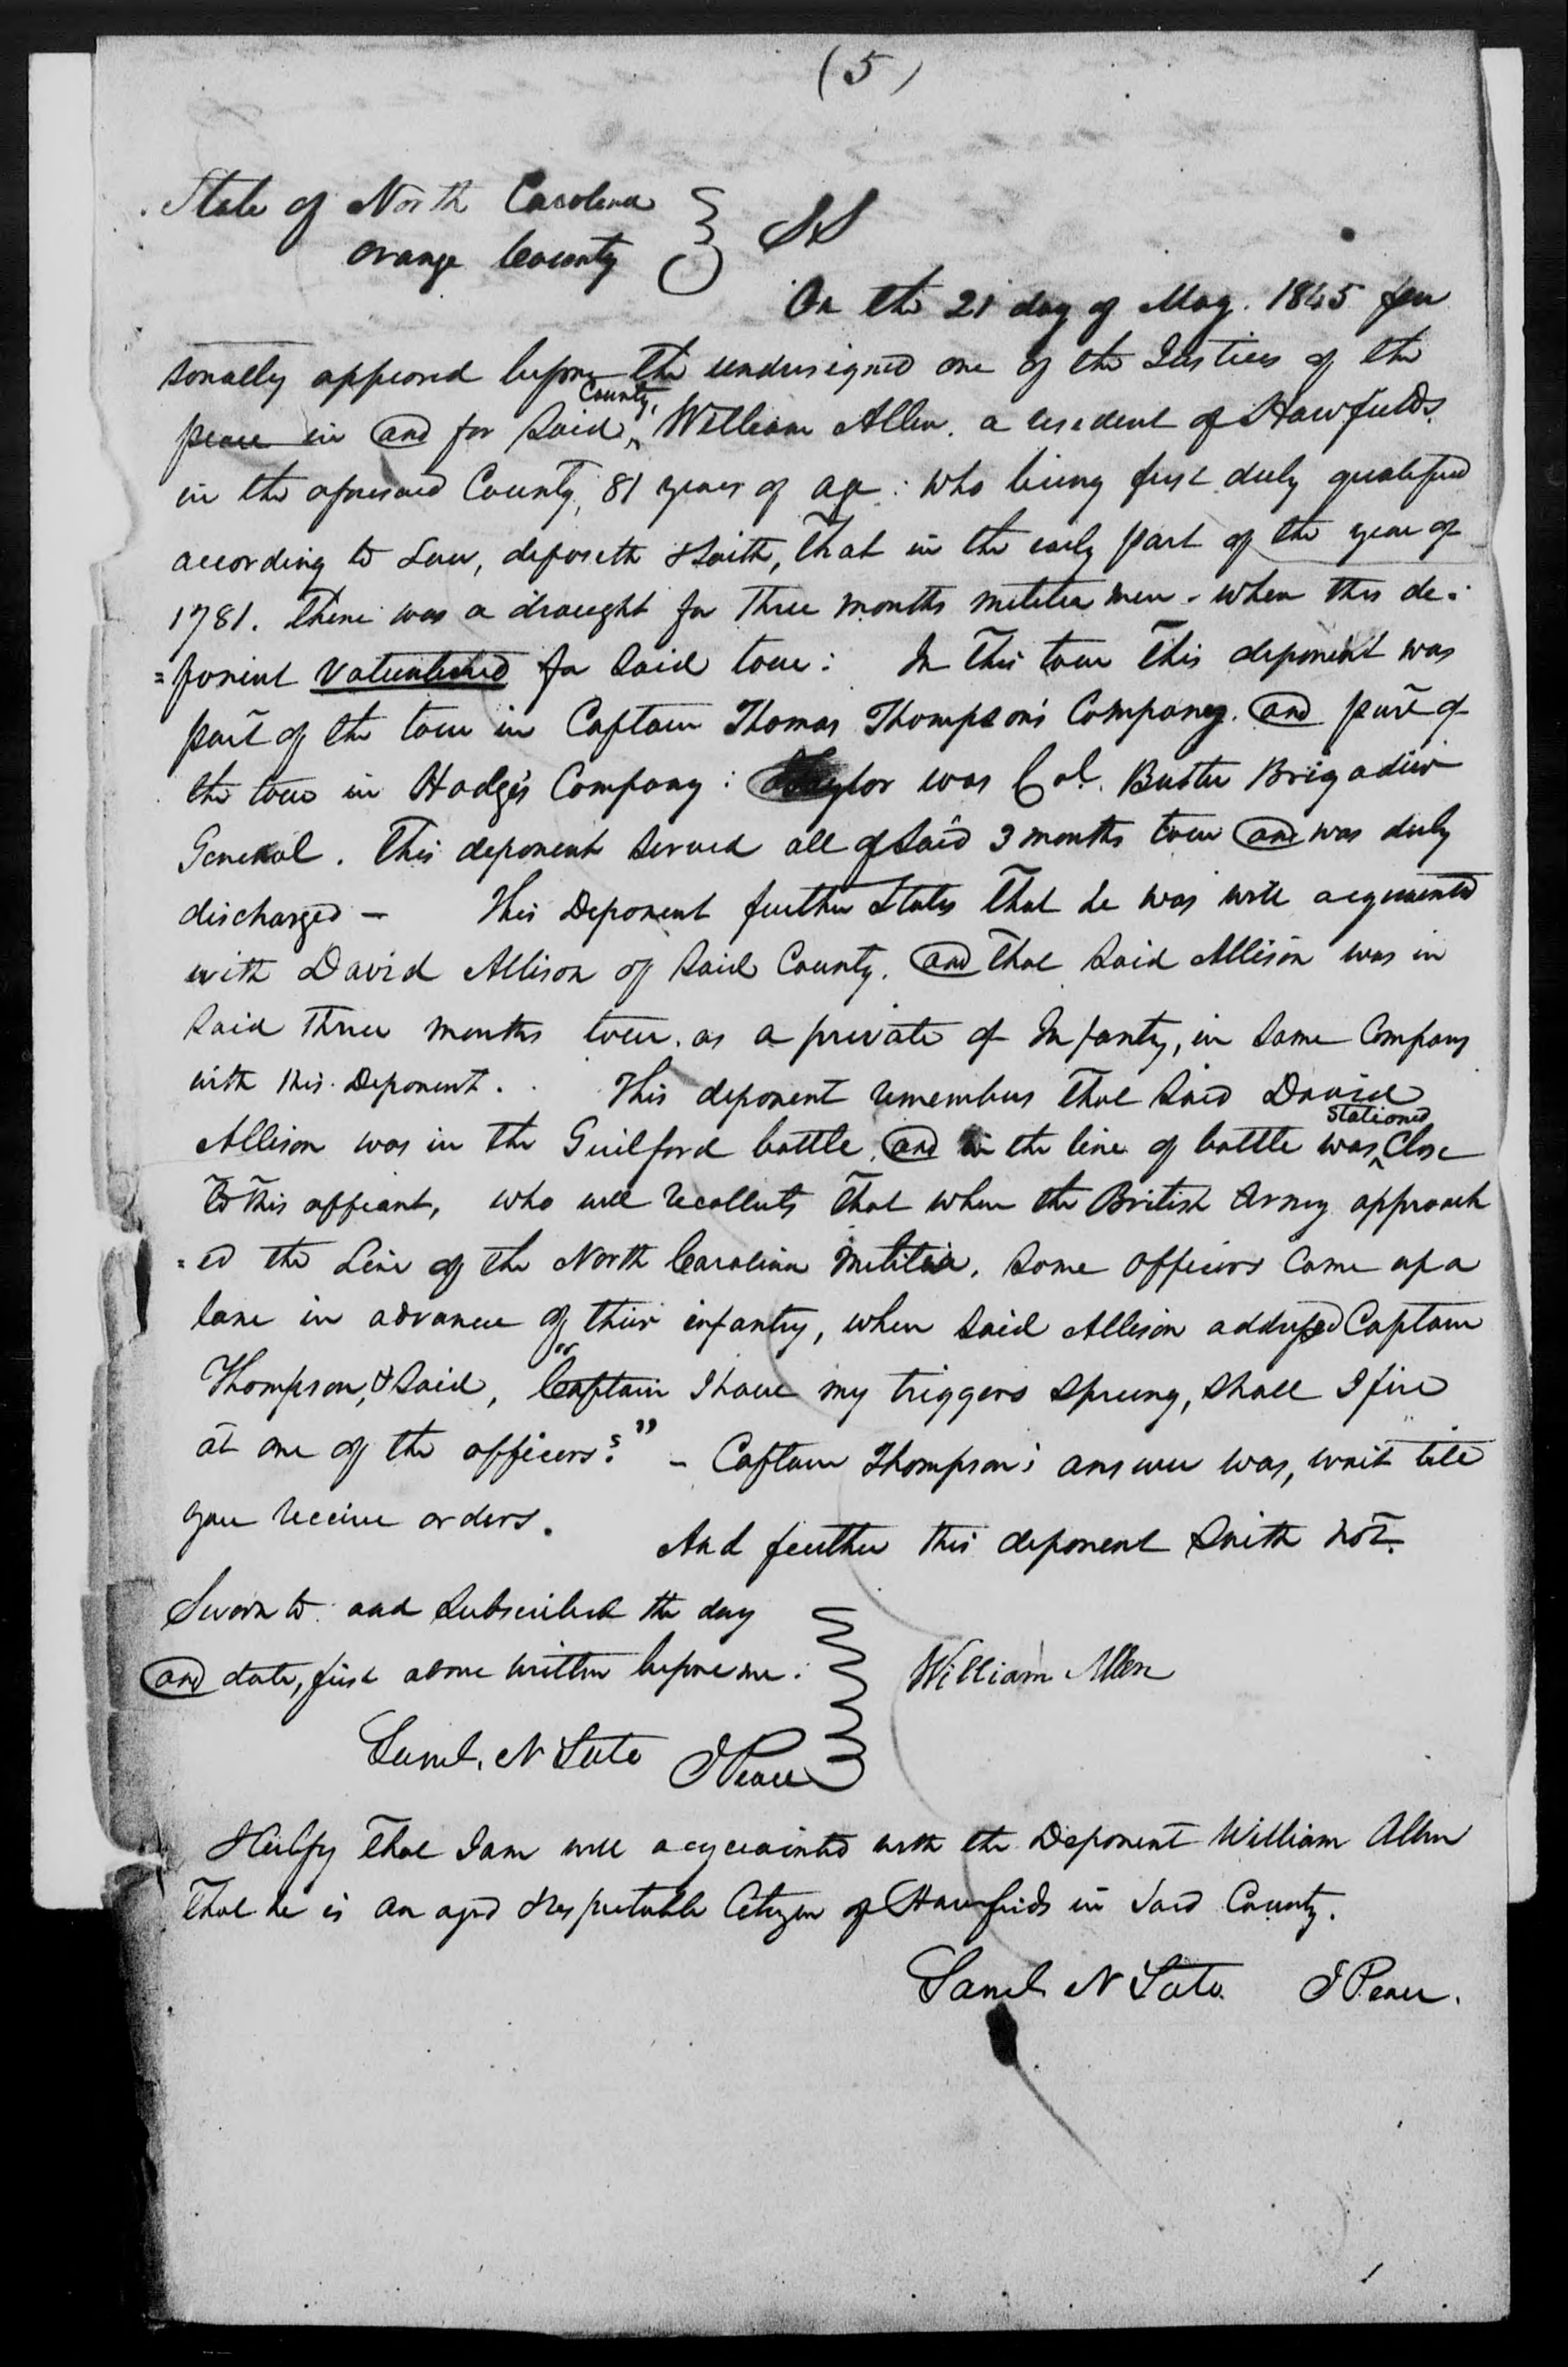(5)

State of North Carolina
Orange County }ss

On the 21 day of May 1865 personally appeared before the undersigned one of the Justices of the Peace in and for said county, William Allen, a resident of Hawfields in the aforesaid county, 81 years of age, who being first duly qualified according to law, deposeth and saiith that in the early part of the year of 1781 there was a draught for three months militia men.  When this deponent volunteered for said tour: In this tour this deponent was part of the tour in Captain Thomas Thompson's company and part of the tour in Hodge's company: Haylor was Col Butler Brigadier General. This deponent served all of said 3 months tour and was duly discharged.  This deponent further states that  he was well acquainted with David Allison of said county and that said Allison was in said three months tour as a private of infantry, in same company with this deponent. This deponent remembers the said David Allison was in the Guilford battle and the line of battle was close to this affiant, who well recollects that when the British Army approached the line of the North Carolina militia, some officers came as a line in advance of their infantry, when said Allison addressed Captain Thompson and said "Captain, I have my triggers sprung, shalI I fire at one of the officers?"  Captain Thompson's answer was, "wait until you receive orders".  And further, this deponent saith no more.
William Allen
Sworn to and subscribed the day and date, first above written before me
Samuel N Tate, JPeace
.
I certify that I am well acquainted with the deponent, William Allen.  That he is an aged reputable citizen of Hawfields in said county.
Saml N Tate.  JPeace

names: William Allen, Allison, William Allen, Saml N Tate, Allison, Thompson, Butler, Thompson, Haylor, David Allison, William Allen, David Allison, Saml N Tate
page: 20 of 33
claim: rejected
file: R. 155, David Allison, N.C.